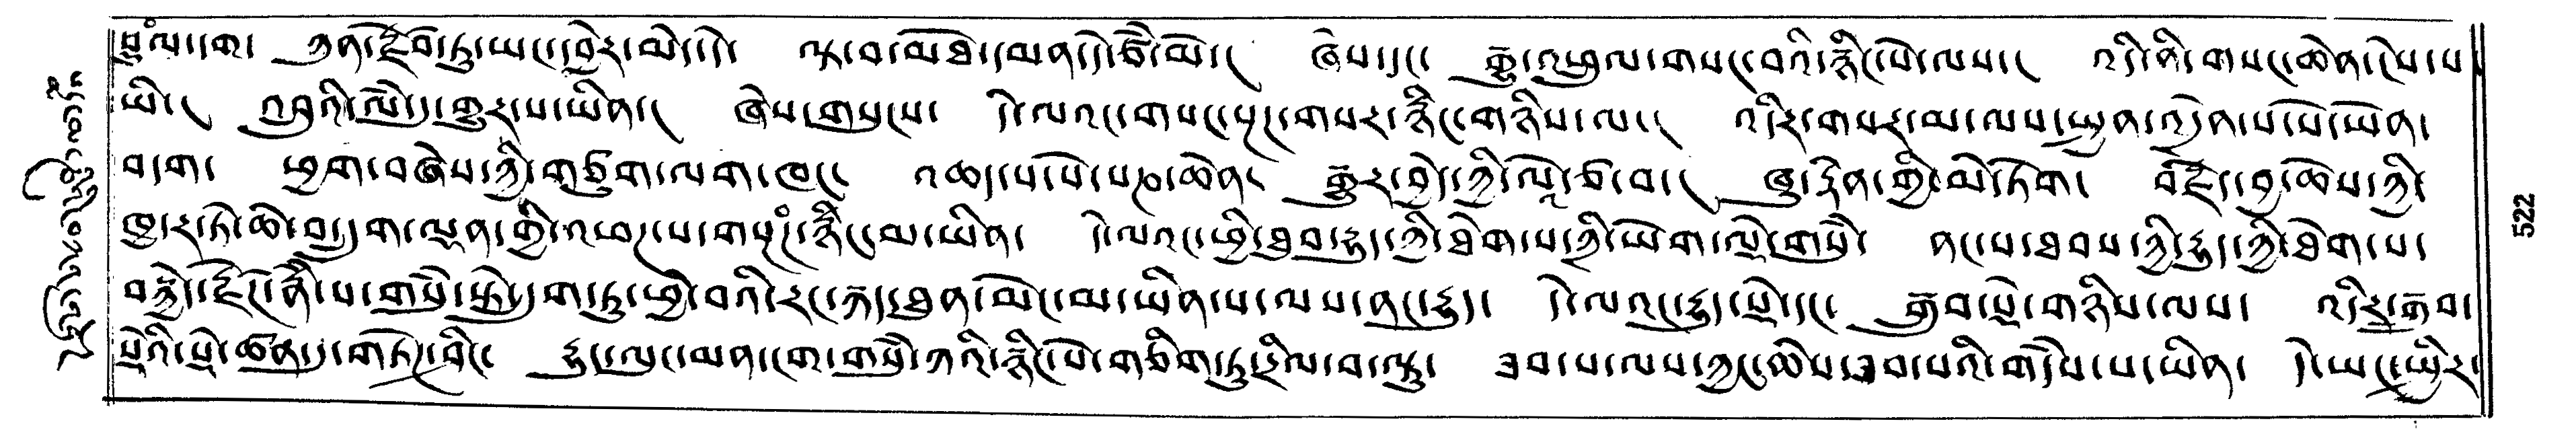སྡུག་བསྔལ་དག །ཀུན་རྫོབ་ཏུ་ཡང་དབྱེར་མེད་དེ། །ལྟ་བ་མཐོ་དམན་དེ་ཙམ་མོ། །ཞེས་དང་། སྒྱུ་འཕྲུལ་གསང་བའི་སྙིང་པོ་ལས། འདི་ནི་གསང་ཆེན་ངེས་པ་
ཡི། །འབྲས་བུའི་ལམ་དུ་གྱུར་པ་ཡིན། །ཞེས་གསུངས། དེ་ལའང་གསང་སྔགས་གསར་རྙིང་གཉིས་ལས། འདིར་གསར་མ་ལས་སྤྱན་འདྲེན་པ་པོ་ཡོན་
བདག ཕྱག་བཞེས་ཀྱི་གཙུག་ལང་ཁང་། འཆད་པ་པོ་པཎ་ཆེན། སྒྱུར་བྱེད་ཀྱི་ལོ་ཙཱ་བ། ཞུ་རྟེན་གྱི་མེ་ཏོག བརྗོད་བྱ་ཆོས་ཀྱི་
ཁྱད་པར་ཏེ་ཆེ་བ་དྲུག་ལྡན་གྱིས་འཕགས་པ་གསང་སྔགསརྙིང་མ་ཡིན། དེ་ལའང་ཕྱི་ཐུབ་པ་རྒྱུད་ཀྱི་ཐེག་པ་ཀྲི་ཡོག་སྡེ་གསུམ། ནང་པ་ཐབས་ཀྱི་རྒྱུད་ཀྱི་ཐེག་པ་
བསྐྱེད་རྫོགས་རྣམ་པ་གསུམ་སྟེ་དྲུག་ཏུ་ཕྱེ་བའི་རང་སྐད་ཐུན་མོང་མ་ཡིན་པ་ལས་ནང་རྒྱུད།དེ་ལའང་རྒྱུད་སྡེ་དང་། སྒྲུབ་སྡེ་གཉིས་ལས། འདིར་སྒྲུབ་
སྡེའི་སྡེ་ཚན་དུ་གཏོགས་ཤིང་། རྒྱུད་ལུང་མན་ངག་གསུམ་ཀའི་སྙིང་པོ་གཅིག་ཏུ་དྲིལ་བ་ལྟ་བུ། ཟབ་པ་ལས་ཀྱང་ཆེས་ཟབ་པའི་གདམས་པ་ཡིན། དེ་ཡང་སྤྱིར་